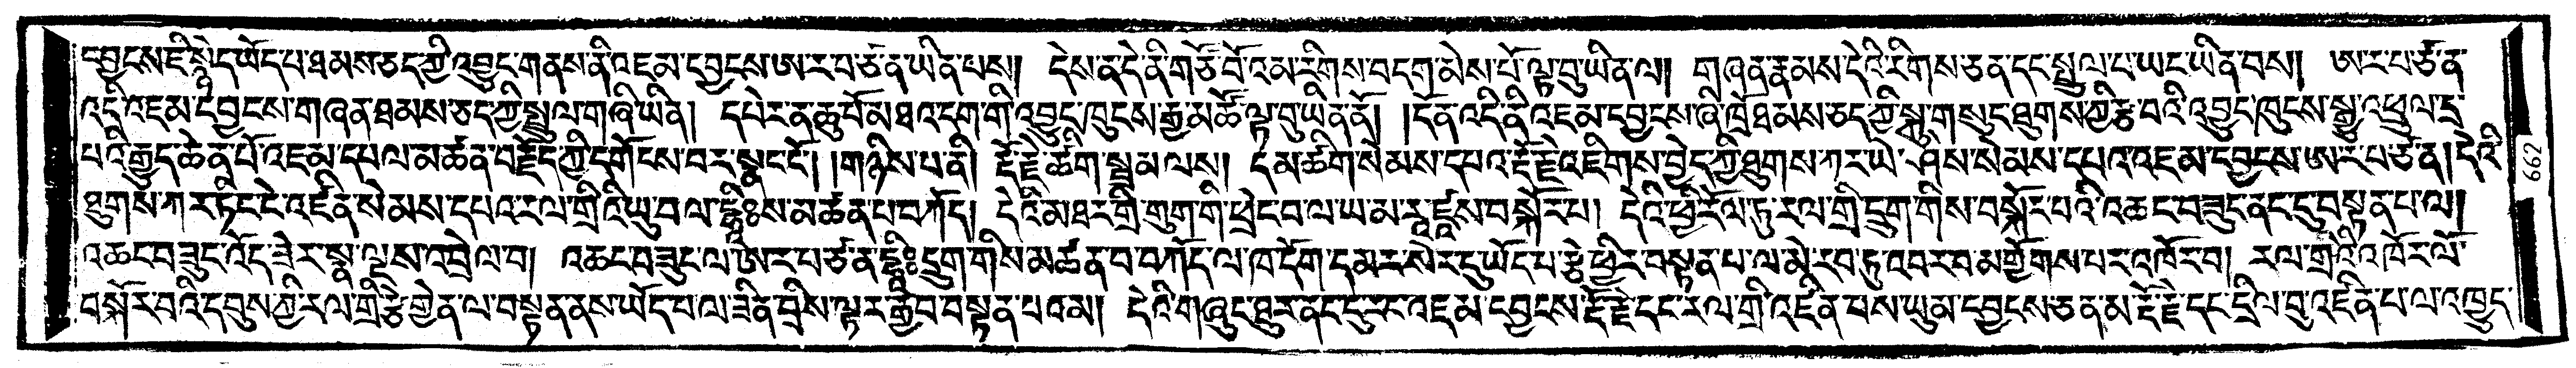དབྱངས་ཇི་སྙེད་ཡོད་པ་ཐམས་ཅད་ཀྱི་འབྱུང་གནས་ནི་འཇམ་དབྱངས་ཨ་ར་བ་ཙ་ན་ཡིན་པས། དེས་ན་དེ་ནི་གཙོ་བོ་འམ་རིགས་བདག་མེས་པོ་ལྟ་བུ་ཡིན་ལ། གཞན་རྣམས་དེའི་རིགས་ཅན་དང་སྤྲུལ་པ་ཡང་ཡིན་བས། ཨ་ར་པ་ཙ་ན་
འདི་འཇམ་དབྱངས་གཞན་ཐམས་ཅད་ཀྱི་སྤྲུལ་གཞི་ཡིན། དཔེར་ན་ཆུ་བོ་མཐའ་དག་གི་འབྱུང་ཁུངས་རྒྱ་མཚོ་ལྟ་བུ་ཡིན་ནོ། །དོན་འདི་ནི་འཇམ་དབྱངས་ཞི་ཁྲོ་ཐམས་ཅད་ཀྱི་སྐུ་གསུང་ཐུགས་ཀྱི་རྩ་བའི་འབྱུང་ཁུངས་སྒྱུ་འཕྲུལ་དྲ་
པའི་རྒྱུད་ཆེན་པོ་འཇམ་དཔལ་མཚན་བརྗོད་ཀྱི་དགོངས་བར་སྣང་ངོ། །གཉིས་པ་ནི། རྡོ་རྗེ་ཚིག་སྦྲམ་ལས། དམ་ཚིག་སེམས་དཔའ་རྡོ་རྗེ་འཇིགས་བྱེད་ཀྱི་ཐུགས་ཀར་ཡེ་ཤེས་སེམས་དཔའ་འཇམ་དབྱངས་ཨ་ར་པ་ཙ་ན། དེའི་
ཐུགས་ཀར་ཏིང་ངེ་འཛིན་སེམས་དཔའ་རལ་གྲིའི་ཡུ་བལ་དྷཱིཿས་མཚན་པ་བཀོད། དེའི་མཐར་གྲི་གུག་གི་ཕྲེང་བ་ལ་ཡ་མ་རཱ་ཛཱས་བསྐོར་པ། དེའི་ཕྱི་རོལ་ཏུ་རལ་གྲི་དྲུག་གིས་བསྐོར་པའི་འཆང་བཟུང་ནང་དུ་བསྟན་པ་ལ།
འཆང་བཟུང་འོད་ཟེར་སྣ་ལྔས་འབྲེལ་བ། འཆང་བཟུང་ལ་ཨ་ར་པ་ཙ་ན་དྷཱིཿདྲུག་གིས་མཚན་བ་བཀོད་ལ་ཁ་དོག་དམར་སེར་དུ་ཡོད་པ་རྩེ་ཕྱིར་བསྟན་པ་ལ་མེ་རབ་ཏུ་འབར་བ་མགྱོགས་པར་འཁོར་བ། རལ་གྲིའི་འཁོར་ལོ་
བསྐོར་བའི་དབུས་ཀྱི་རལ་གྲི་རྩེ་གྱེན་ལ་བསྟན་ནས་ཡོད་པ་ལ་ཟིན་བྲིས་ལྟར་རྒྱབ་བསྟན་པའམ། དེའི་གཞུང་ཐུར་ནང་དུ་རང་འཇམ་དབྱངས་རྡོ་རྗེ་དང་རལ་གྲི་འཛིན་བས་ཡུམ་དབྱངས་ཅན་མ་རྡོ་རྗེ་དང་དྲིལ་བུ་འཛིན་པ་ལ་འཁྱུད་